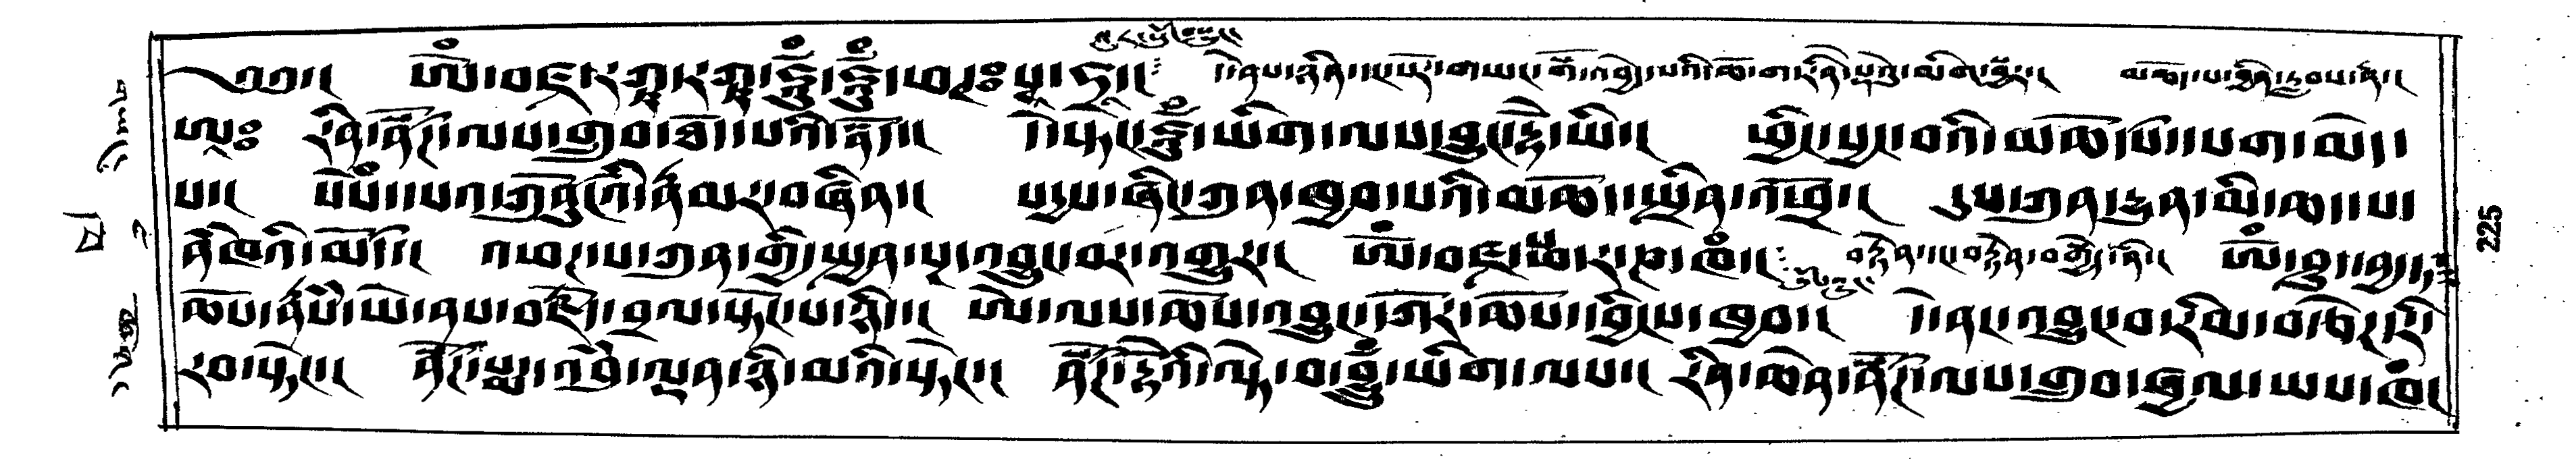ཨོཾ་བཛྲ་རཀྵ་རཀྵཧཱུྃ་ཧཱུྃ་ཕཊཿསྭ་ཧཱ། འུར་སུམ་བརྡུང་། དེ་ནས་ཉིན་དང་པོར་གཡང་སྒོ་འབྱེད་པའི་ཆོ་ག་རིན་པོ་ཆེའི་ལྡེའུ་མིག་སྦྱར། མཆོད་པ་བྱིན་རླབས་ནི། 
ཨཱཿ རིན་ཆེན་སྣ་ཚོགས་ལས་གྲུབ་ཐོད་པའི་སྣོད། །དེ་སྟེང་ཧཱུྃ་ཡིག་ལས་བྱུང་རྡོ་རྗེ་ཡི། །ཕྱི་ནང་གསང་བའི་མཆོད་པ་དཔག་མེད་
པ། །སེམས་དཔའ་ཀུན་ཏུ་བཟང་པོའི་རྣམ་པར་བཞིན། །སངས་རྒྱས་ཞིང་ཀུན་ཁྱབ་པའི་མཆོད་སྤྲིན་འཕྲོ། །དུས་ཀུན་རྒྱུན་མི་ཆད་པ་
ནམ་མཁའི་མཛོད། །འཕགས་པ་ཀུན་ཀྱི་སྤྱན་སྔ་འབྱུང་བར་འགྱུར། །ཨོཾ་བཛྲ་སྥ་ར་ཎ་ཁཾ། སུམ་བརྡུང་། །བརྟེན་དང་བརྟེན་བརྐྱེད་ནི། ཨོཾ་ཤུད་ནྱ་ཏ་༴ 
ཆོས་རྣམས་ཡེ་ནས་བརྗོད་བྲལ་སྟོང་པ་ཉིད། ཨེ་ལས་ཆོས་འབྱུང་དཀར་པོ་ཆོས་དབྱིངས་ཁྱབ། །དེ་ནང་འབྱུང་བ་རིམ་བརྩེགས་རི་
རབ་སྟེང་། །སྣ་ཚོགས་པདྨ་འབུམ་ལྡན་ཉི་མའི་སྟེང་། །སྣ་ཚོགས་རྡོ་རྗེའི་ལྟེ་བ་བྷྲུྃ་ཡིག་ལས། །རིན་ཆེན་སྣ་ཚོགས་ལས་གྲུབ་གཞལ་ཡས་ཁཾ། །